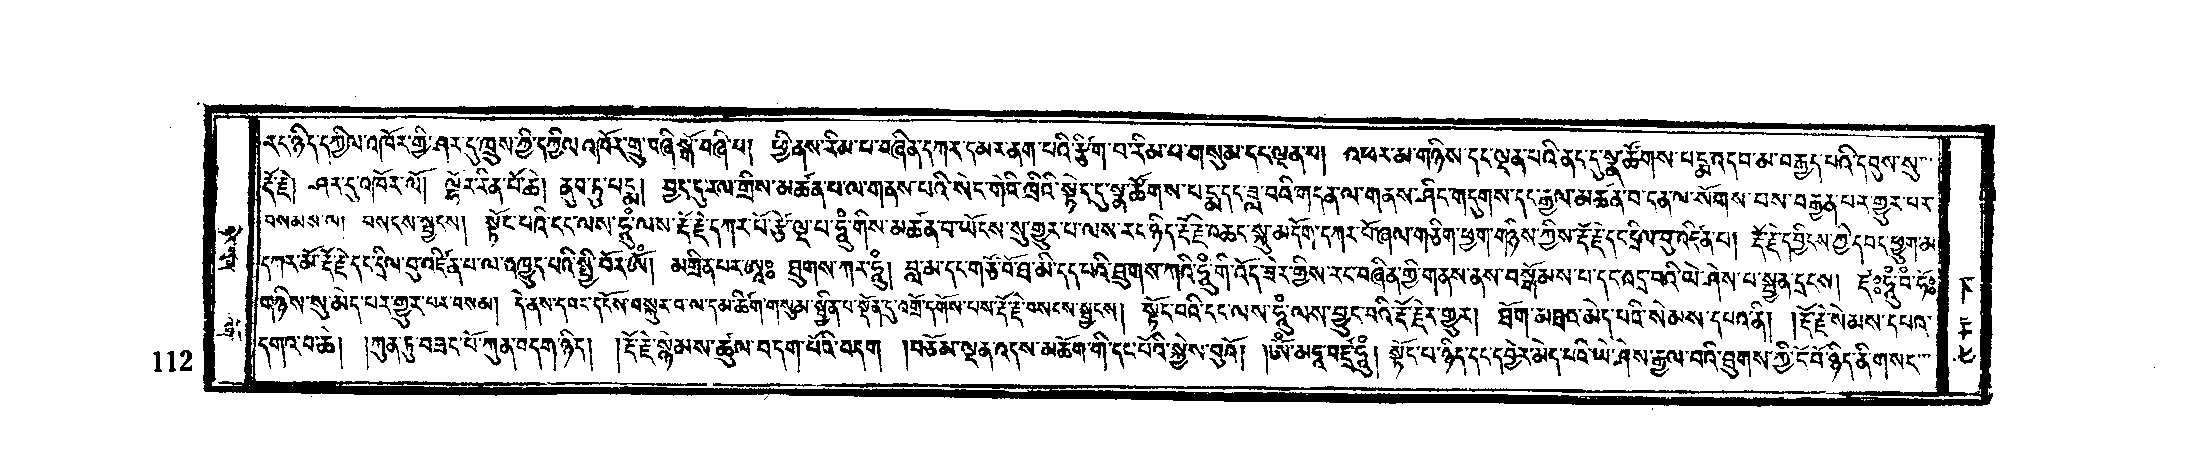རང་ཉིད་དཀྱིལ་འཁོར་གྱི་ཤར་དུ་ཁྲུས་ཀྱི་དཀྱིལ་འཁོར་གྲུ་བཞི་སྒོ་བཞི་པ། ཕྱི་ནས་རིམ་པ་བཞིན་དཀར་དམར་ནག་པའི་རྩིག་པ་རིམ་པ་གསུམ་དང་ལྡན་པ། འཕར་མ་གཉིས་དང་ལྡན་པའི་ནང་དུ་སྣ་ཚོགས་པདམ་འདབ་མ་བརྒྱད་པའི་དབུས་སུ་
རྡོ་རྗེ། ཤར་དུ་འཁོར་ལོ། ལྷོར་རིན་པོ་ཆེ། ནུབ་ཏུ་པདམ། བྱང་དུ་རལ་གྲིས་མཚན་པ་ལ་གནས་པའི་སེང་གེའི་ཁྲིའི་སྟེང་དུ་སྣ་ཚོགས་པདམ་དང་ཟླ་བའི་གདན་ལ་གནས་ཤིང་གདུགས་དང་རྒྱལ་མཚན་བ་དན་ལ་སོགས་པས་བརྒྱན་པར་གྱུར་པར་
བསམས་ལ། བསངས་སྦྱངས། སྟོང་པའི་ངང་ལས་ཧཱུཾ་ལས་རྡོ་རྗེ་དཀར་པོ་རྩེ་ལྔ་པ་ཧཱུཾ་གིས་མཚན་པ་ཡོངས་སུ་གྱུར་པ་ལས་རང་ཉིད་རྡོ་རྗེ་འཆང་སྐུ་མདོག་དཀར་པོ་ཞལ་གཅིག་ཕྱག་གཉིས་ཀྱིས་རྡོ་རྗེ་དང་དྲིལ་བུ་འཛིན་པ། རྡོ་རྗེ་དབྱིངས་ཀྱི་དབང་ཕྱུག་མ་
དཀར་མོ་རྡོ་རྗེ་དང་དྲིལ་བུ་འཛིན་པ་ལ་འཁྱུད་པའི་སྤྱི་བོར་ཨོཾ། མགྲིན་པར་ཨཱཿ ཐུགས་ཀར་ཧཱུཾ། བླ་མ་དང་གཙོ་བོ་ཐ་མི་དད་པའི་ཐུགས་ཀའི་ཧཱུཾ་གི་འོད་ཟེར་གྱིས་རང་བཞིན་གྱི་གནས་ནས་བསྒོམས་པ་དང་འདྲ་བའི་ཡེ་ཤེས་པ་སྤྱན་དྲངས། ཛཿ ཧཱུཾ་བཾ་ཧོཿ
གཉིས་སུ་མེད་པར་གྱུར་པར་བསམ། དེ་ནས་དབང་དངོས་བསྐུར་བ་ལ་དམ་ཚིག་གསུམ་སྦྱིན་པ་སྔོན་དུ་འགྲོ་དགོས་པས་རྡོ་རྗེ་བསངས་སྦྱངས། སྟོང་པའི་ངང་ལས་ཧཱུཾ་ལས་བྱུང་བའི་རྡོ་རྗེར་གྱུར། ཐོག་མཐའ་མེད་པའི་སེམས་དཔའ་ནི། །རྡོ་རྗེ་སེམས་དཔའ་
དགའ་བ་ཆེ། །ཀུན་ཏུ་བཟང་པོ་ཀུན་བདག་ཉིད། །རྡོ་རྗེ་སྙེམས་ཚུལ་བདག་པོའི་བདག །བཅོམ་ལྡན་འདས་མཆོག་གི་དང་པོའི་སྐྱེས་བུའོ། །ཨོཾ་མཧཱ་བཛྲ་ཧཱུཾ། སྟོང་པ་ཉིད་དང་དབྱེར་མེད་པའི་ཡེ་ཤེས་རྒྱལ་བའི་ཐུགས་ཀྱི་ངོ་བོ་ཉིད་ནི་གསང་